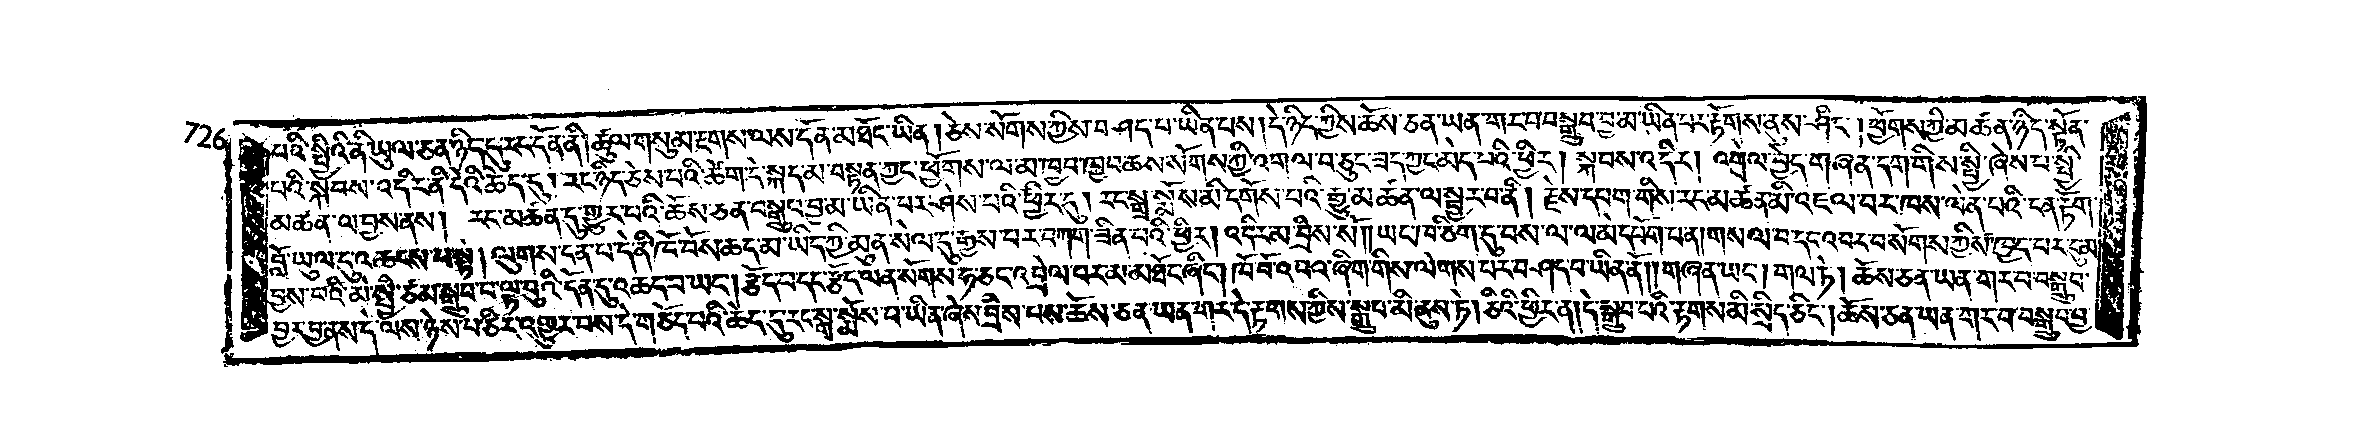པའི་སྤྱིའི་ནི་ཡུལ་ཅན་ཉིད་དུ་རང་དོན་ནི། ཚུལ་གསུམ་རྡགས་ལས་དོན་མཐོང་ཡིན། ཅེས་སོགས་ཀྱིས་བཤད་པ་ཡིན་པས། དེ་ཉིད་ཀྱིས་ཆོས་ཅན་ཡན་གར་བ་བསྒྲུབ་བྱ་མ་ཡིན་པར་རྟོགས་ནུས་ཤིང་། ཕྱོགས་ཀྱི་མཚན་ཉིད་སྟོན་
པའི་སྐབས་འདིར་ནི་དེའི་ཆེད་དུ། རང་ཉིད་ཅེས་པའི་ཚེག་དེ་སྐད་མ་བསྟན་ཀྱང་ཕྱོགས་ལ་མ་ཁྱབ་ཁྱབ་ཆས་སོགས་ཀྱི་འགལ་བ་ཅུང་ཟད་ཀྱང་མེད་པའི་ཕྱིར། སྐབས་འདིར། འགྲེལ་བྱེད་གཞན་དག་གིས་སྤྱི་ཞེས་པ་སྤྱི་
མཚན་ལ་བྱས་ནས། རང་མཚན་དུ་གྱུར་བའི་ཆོས་ཅན་བསྒྲུབ་བྱ་མ་ཡིན་པར་ཤེས་པའི་ཕྱིར་དུ། རང་སྒྲ་སྨོས་མི་དགོས་པའི་རྒྱུ་མཚན་ལ་སྤྱར་བ་ནི། རྗེས་དཔག་གིས་རང་མཚན་མི་འཇལ་བར་ཁས་ལེན་པའི་ངན་རྟོག་
བློ་ཡུལ་དུ་འཆངས་པ་སྟེ། ལུགས་ངན་པ་དེ་ནི་ཁོ་བོས་ཚད་མ་ཡིད་ཀྱི་མུན་སེལ་དུ་རྒྱས་པར་བཀག་ཟིན་པའི་ཕྱིར། འདིར་མ་བྲིས་སོ། །ཡང་ཁ་ཅིག་དུ་བས་ལ་ལ་མེ་དཔོག་པ་ན། གསལ་བ་དང་འབར་བ་སོགས་ཀྱིས་ཁྱད་པར་དུ་མ་
བྱས་པའི་མེ་སྤྱི་ཙམ་སྒྲུབ་པ་ལྟ་བུའི་དོན་དུ་འཆད་པ་ཡང་། རྩོད་པ་དང་། རྩོད་ལན་སོགས་ཧ་ཅང་འབྲེལ་བར་མ་མཐོང་ཞིང་། ཁོ་བོ་འབའ་ཞིག་གིས་ལེགས་པར་བཤད་པ་ཡིན་ནོ། །གཞན་ཡང་། གལ་ཏེ། ཆོས་ཅན་ཡན་གར་བ་བསྒྲུབ་
བྱར་བྱ་ནས་དེ་ལས་ཉེས་པ་ཅིར་འགྱུར་བས་དེ་གཅོད་པའི་ཆེད་དུ་རང་སྒྲ་སྨོས་པ་ཡིན་ཞེས་བྲིས་པས་ཆོས་ཅན་ཡན་གར་དེ་རྟགས་ཀྱིས་སྒྲུབ་མི་ནུས་ཏེ། ཅིའི་ཕྱིར་ན། དེ་སྒྲུབ་པའི་རྟགས་མི་སྲིད་ཅིང་། ཆོས་ཅན་ཡན་གར་བ་བསྒྲུབ་བྱ་